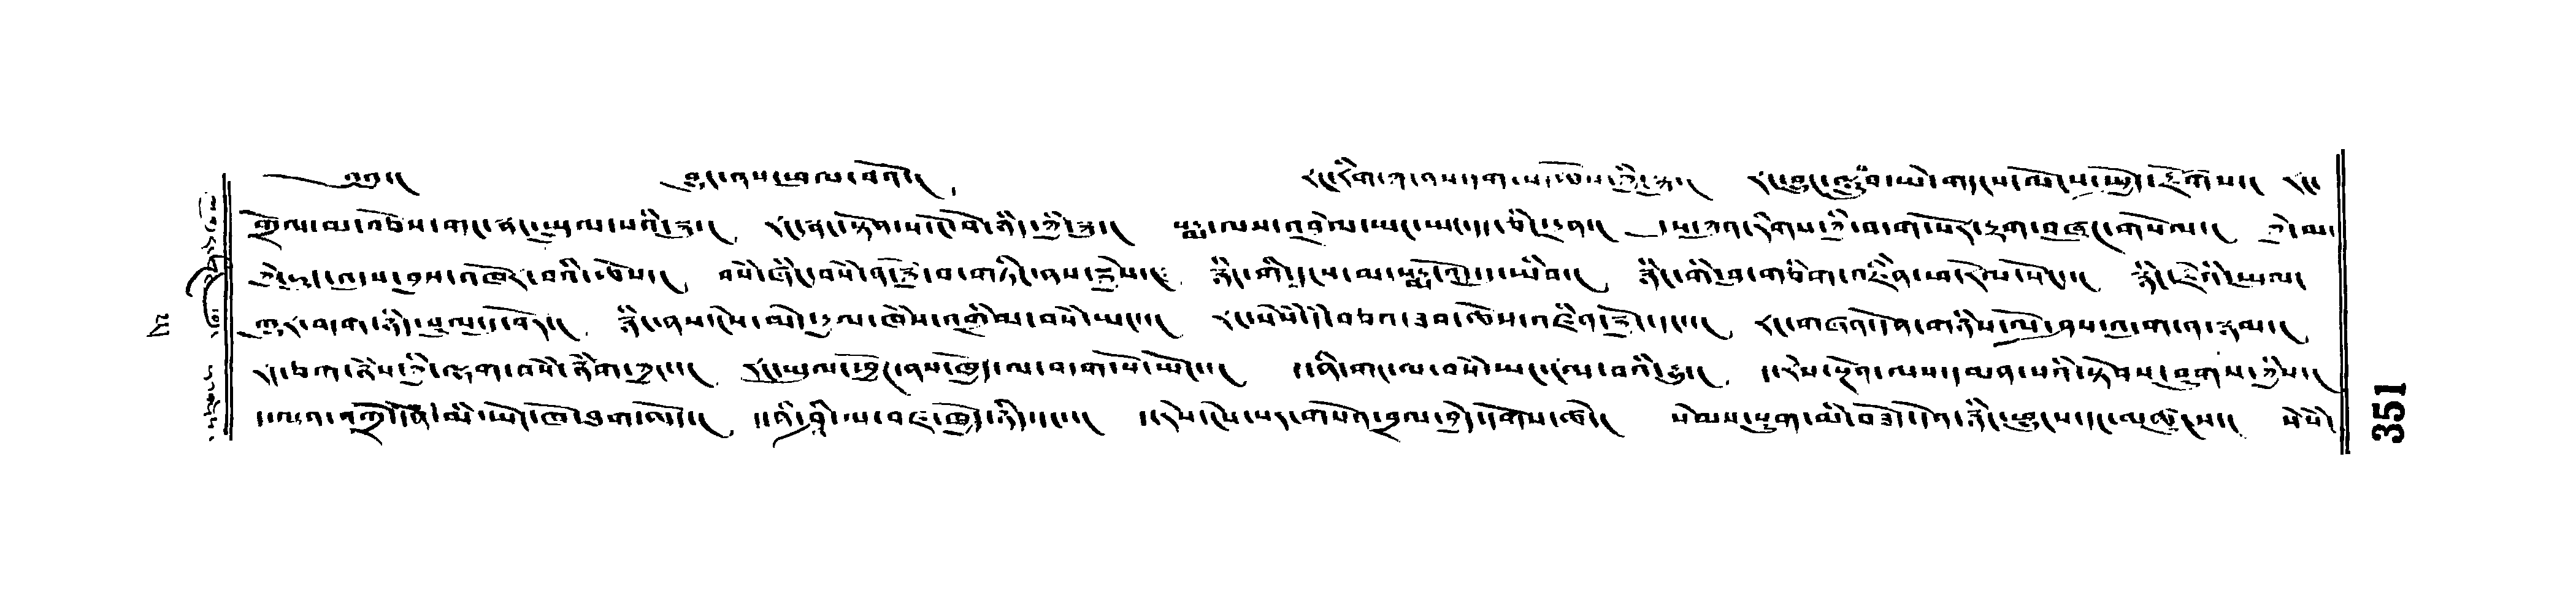བྱུང་ནས་ཕུལ་བའོ།། རང་རིག་ཀ་ནས་དག་པ་ཆོས་ཀྱི་སྐུ། །རང་བྱུང་ལྷུན་གྲུབ་ཡེ་གདངས་ལོངས་སྤྱོད་རྫོགས། །རང་
གྲོལ་མ་བཅོས་གང་སྣང་སྤྲུལ་པའི་སྐུ། །རང་སྣང་སྟོན་པ་ངོ་བོ་ཉིད་ཀྱི་སྐུ། །པདྨ་ལས་འབྲེལ་ཡང་ཡང་དད་ཅིང་དྲན། །དུས་ཀུན་རིགས་ཀྱི་བདག་པོར་རྟག་བཞུགས་གསོལ། །ཀྱེ་མ་
ཀྱེ་ཧུད་འདུས་བྱས་འཁོར་བའི་ཆོས། །བསམ་ཞིང་བསམ་ན་སྐྱོ་བ་གཏིང་ནས་སྐྱེས། །སྙིང་གི་དྭངས་མ་པདྨ་འོད་དུ་ཡིབ། །སྙིང་གི་བུ་གཅིག་འཇིག་རྟེན་ཕ་རོལ་སོང་། །སྙིང་རྗེའི་ཡུལ་
གྱུར་བདག་ཉིད་ཤུལ་དུ་བོར། །སྙིང་ནས་ངེས་མེད་རྒྱལ་ཁམས་འགྲིམ་བསམ་ཡང་། །རང་སེམས་དམ་བཅའ་ཟབ་ཆོས་འཛིན་སྐྱོང་དང་། །རང་གཞན་དོན་གཉིས་ལོ་ཤས་འདུག་ན་སྙམ། །
རང་ཅག་རྣམས་ཀྱི་ལྷག་བསམ་རྣམ་དག་ཀྱང་། །རང་ཡུལ་ཕྱོགས་ནས་ཁྱོད་ལ་བདག་པོ་ཡོང་། །ད་ནི་གང་ལ་བསམ་ཡང་ངལ་བའི་རྒྱུ། །ད་རེས་སྔོན་ལས་དམན་པའི་སྟོབས་ཤུགས་ཀྱིས། །
ད་ལན་འགྲོ་དོན་མི་ཡོང་ཁོ་ཐག་ཆོད། །ད་ནི་ཤཱི་ལ་བཛྲ་ཁྱོད་ཉིད་དང་། །ད་རེས་ངེས་པར་གསོན་བྲལ་བྱ་དགོས་ཚེ། །སེམས་སྡུག་མི་བཟོད་དོན་སྙིང་ཕྱུངས་དང་མཚུངས། །སེམས་